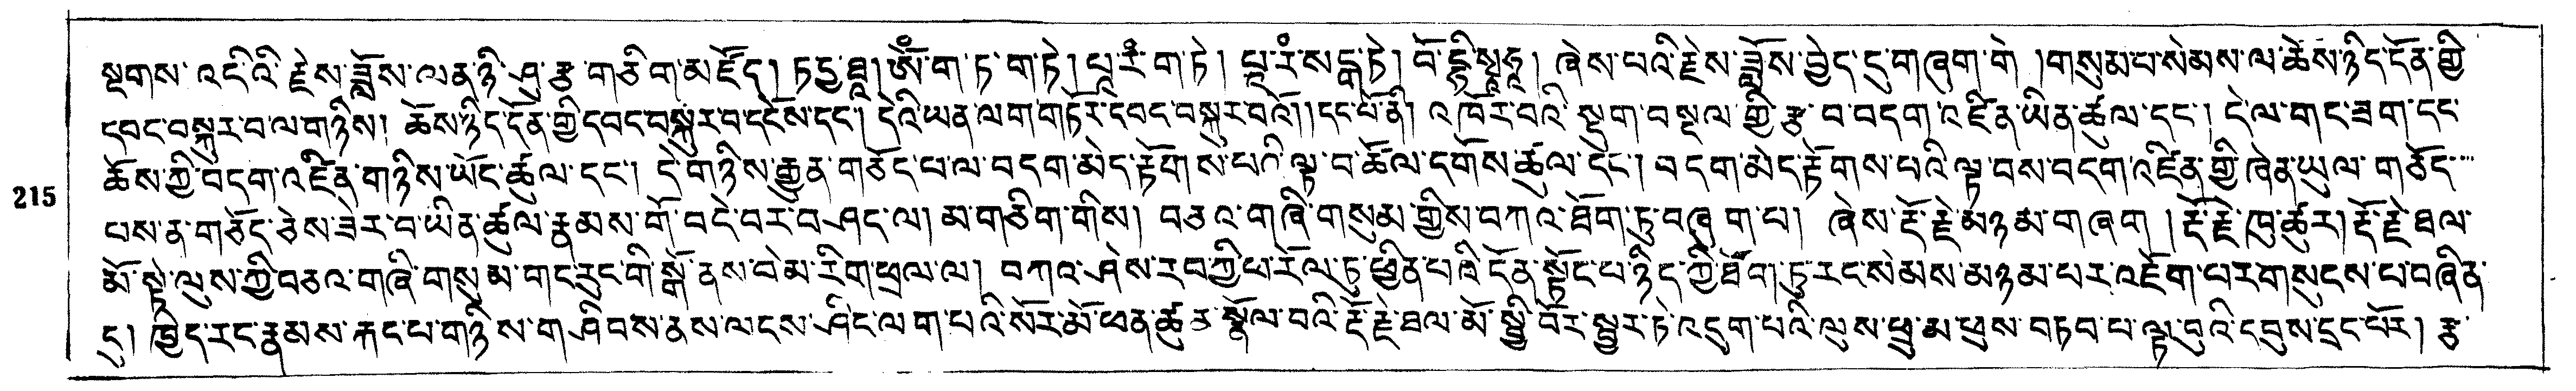སྔགས་འདིའི་རྗེས་ཟློས་ལན་ཉི་ཤུ་རྩ་གཅིག་མཛོད། ཏདྱ་ཐཱ། ཨོཾ་ག་ཏ་ག་ཏེ། པཱ་རཾ་ག་ཏེ། པཱ་རཾ་སངྒ་ཏེ། བོ་དྷི་སྭཱ་ཧཱ། ཞེས་པའི་རྗེས་ཟློས་བྱེད་དུ་གཞུག་གེ །གསུམ་པ་སེམས་ལ་ཆོས་ཉིད་དོན་གྱི་
དབང་བསྐུར་བ་ལ་གཉིས། ཆོས་ཉིད་དོན་གྱི་དབང་བསྐུར་བ་དངོས་དང་། དེའི་ཡན་ལག་གཏོར་དབང་བསྐུར་བའོ། །དང་པོ་ནི། འཁོར་བའི་སྡུག་བསྔལ་གྱི་རྩ་བ་བདག་འཛིན་ཡིན་ཚུལ་དང་། དེ་ལ་གང་ཟག་དང་
ཆོས་ཀྱི་བདག་འཛིན་གཉིས་ཡོང་ཚུལ་དང་། དེ་གཉིས་རྒྱུན་གཅོད་པ་ལ་བདག་མེད་རྟོགས་པའི་ལྟ་བ་ཚོལ་དགོས་ཚུལ་དང་། བདག་མེད་རྟོགས་པའི་ལྟ་བས་བདག་འཛིན་གྱི་ཞེན་ཡུལ་གཅོད་
པས་ན་གཅོད་ཅེས་ཟེར་བ་ཡིན་ཚུལ་རྣམས་གོ་བདེ་བར་བཤད་ལ། མ་གཅིག་གིས། བཅའ་གཞི་གསུམ་གྱིས་བཀའ་ཐོག་ཏུ་བཞུག་པ། ཞེས་རྡོ་རྗེ་མཉམ་གཞག །རྡོ་རྗེ་ཁུ་ཚུར། རྡོ་རྗེ་ཐལ་
མོ་སྟེ་ལུས་ཀྱི་བཅའ་གཞི་གསུམ་གང་རུང་གི་སྒོ་ནས་བེམ་རིག་ཕྲལ་ལ། བཀའ་ཤེས་རབ་ཀྱི་ཕ་རོལ་ཏུ་ཕྱིན་པའི་དོན་སྟོང་པ་ཉིད་ཀྱི་ཐོག་ཏུ་རང་སེམས་མཉམ་པར་འཇོག་པར་གསུངས་པ་བཞིན་
དུ། ཁྱེད་རང་རྣམས་རྐང་པ་གཉིས་གཤིབས་ནས་ལངས་ཤིང་ལག་པའི་སོར་མོ་ཕན་ཚུན་སྣོལ་བའི་རྡོ་རྗེ་ཐལ་མོ་སྤྱི་བོར་སྦྱར་ཏེ་འདུག་པའི་ལུས་ཕྲུ་མ་ཕུས་བཏབ་པ་ལྟ་བུའི་དབུས་དྲང་པོར། རྩ་